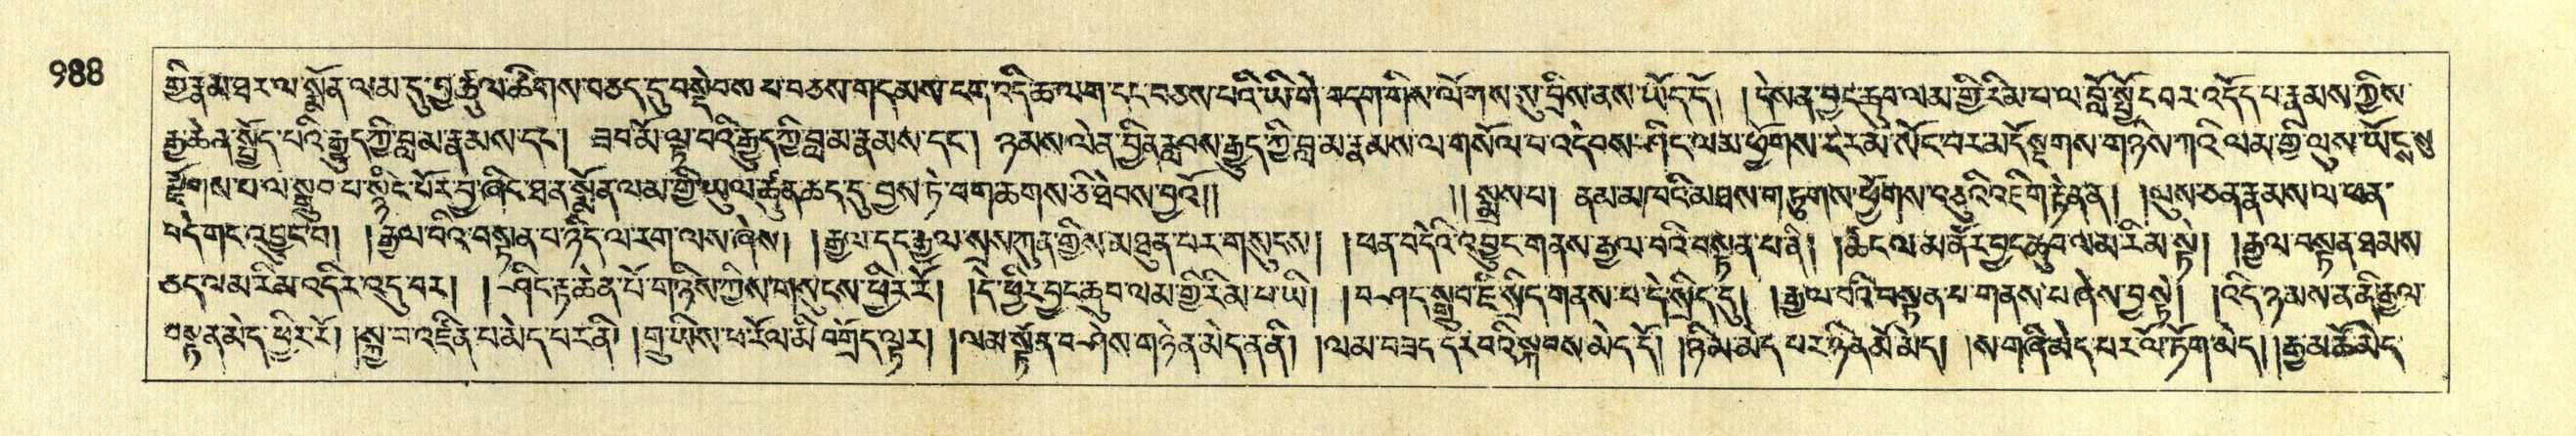གྱི་རྣམ་ཐར་ལ་སྨོན་ལམ་དུ་བྱ་ཚུལ་ཚིགས་བཅད་དུ་བསྡེབས་པ་བཅས་གདམས་ངག་འདི་ཆ་ལག་དང་བཅས་པའི་ཡི་གེ་བདག་གིས་ལོགས་སུ་བྲིས་ནས་ཡོད་དོ། །དེས་ན་བྱང་ཆུབ་ལམ་གྱི་རིམ་པ་ལ་བློ་སྤྱོད་བར་འདོད་པ་རྣམས་ཀྱིས་
རྒྱ་ཆེན་སྤྱོད་པའི་རྒྱུད་ཀྱི་བླ་མ་རྣམས་དང་། ཟབ་མོ་ལྟ་བའི་རྒྱུད་ཀྱི་བླ་མ་རྣམས་དང་། ཉམས་ལེན་བྱིན་རླབས་རྒྱུད་ཀྱི་བླ་མ་རྣམས་ལ་གསོལ་བ་འདེབས་ཤིང་ལམ་ཕྱོགས་དེར་མ་སོང་བར་མདོ་སྔགས་གཉིས་ཀའི་ལམ་གྱི་ལུས་ཡོངས་སུ་
རྫོགས་པ་ལ་སྒྲུབ་པ་སྙིང་པོར་བྱ་ཞིང་ཐ་ན་སྨོན་ལམ་གྱི་ཡུལ་ཚུན་ཆད་དུ་བྱས་ཏེ་བག་ཆགས་ཅི་ཐེབས་བྱའོ།། །།སྨྲས་པ། ནམ་མཁའི་མཐས་གཏུགས་ཕྱོགས་བཅུའི་འཇིག་རྟེན་ན། །ལུས་ཅན་རྣམས་ལ་ཕན་
བདེ་གང་འབྱུང་བ། །རྒྱལ་བའི་བསྟན་པ་ཉིད་ལ་རག་ལས་ཞེས། །རྒྱལ་དང་རྒྱལ་སྲས་ཀུན་གྱིས་མཐུན་པར་གསུངས། །ཕན་བདེའི་འབྱུང་གནས་རྒྱལ་བའི་བསྟན་པ་ནི། །ཚང་ལམ་ནོར་བྱང་ཆུབ་ལམ་རིམ་སྟེ། །རྒྱལ་བསྟན་ཐམས་
ཅད་ལམ་རིམ་འདིར་འདུ་བར། །ཤིང་རྟ་ཆེན་པོ་གཉིས་ཀྱིས་གསུངས་ཕྱིར་རོ། །དེ་ཕྱིར་བྱང་ཆུབ་ལམ་གྱི་རིམ་པ་ཡི། །བཤད་སྒྲུབ་ཇི་སྲིད་གནས་པ་དེ་སྲིད་དུ། །རྒྱལ་བའི་བསྟན་པ་གནས་པ་ཞེས་བྱ་སྟེ། །འདི་ཉམས་ན་ནི་རྒྱལ་
བསྟན་མེད་ཕྱིར་རོ། །སྐྱ་བ་འཛིན་པ་མེད་པར་ནི། །གྲུ་ཡིས་ཕ་རོལ་མི་བགྲོད་ལྟར། །ལམ་སྟོན་བཤེས་གཉེན་མེད་ན་ནི། །ལམ་བཟང་དར་བའི་སྐབས་མེད་དོ། །ཉི་མ་མེད་པར་ཉིན་མོ་མེད། །ས་གཞི་མེད་པར་ལོ་ཏོག་མེད། །རྒྱ་མཚོ་མེད་